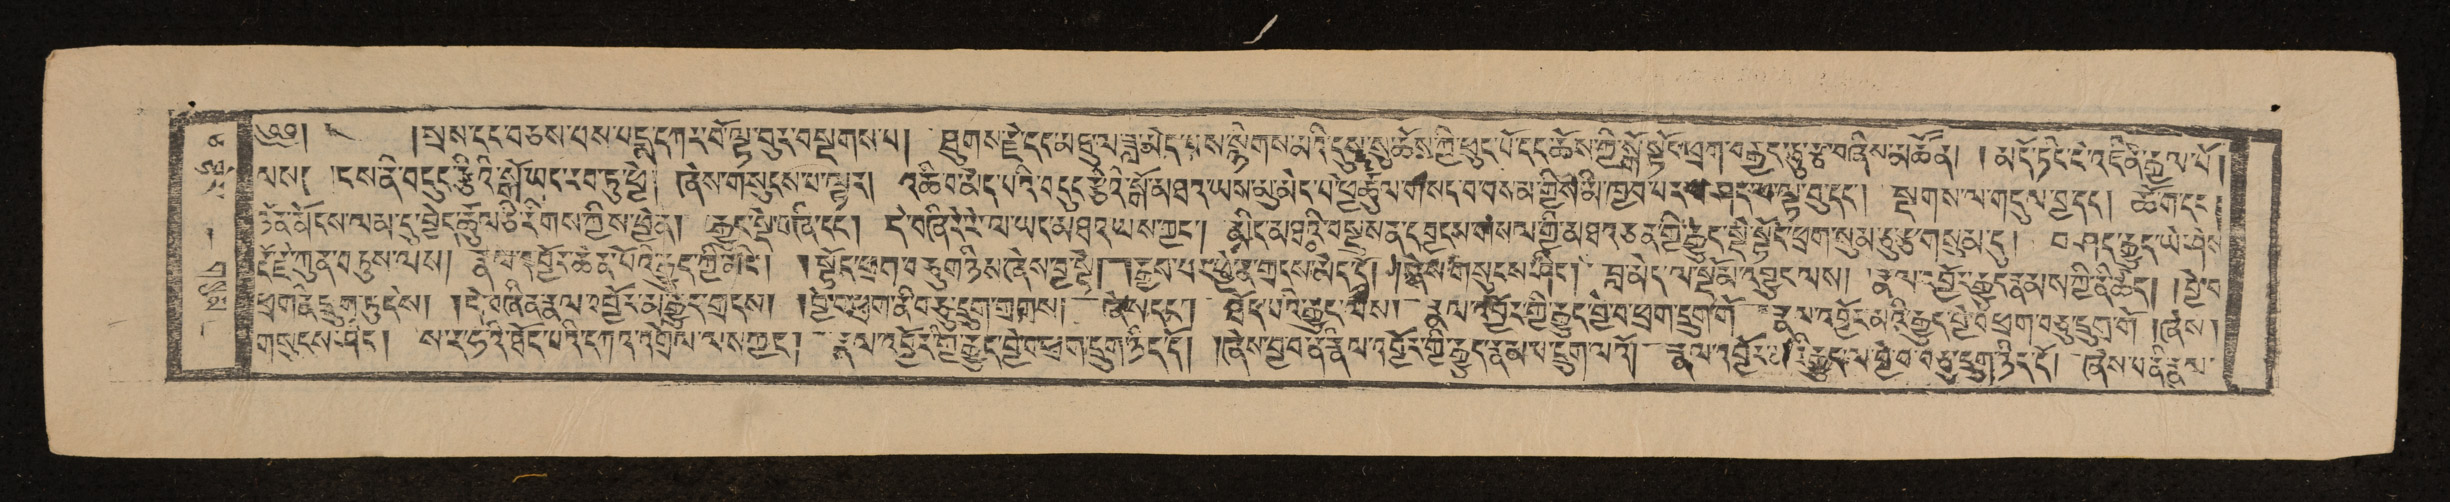༄༅། །སྲས་དང་བཅས་པས་པདམ་དཀར་པོ་ལྟ་བུར་བསྔགས་པ། ཐུགས་རྗེ་དང་མཐུ་ལ་ཟླ་མེད་པས་སྙིགས་མའི་དུས་སུ་ཆོས་ཀྱི་ཕུང་པོ་དང་ཆོས་ཀྱི་སྒོ་སྟོང་ཕྲག་བརྒྱད་ཅུ་རྩ་བཞིས་མཚོན། མདོ་ཏིང་ངེ་འཛིན་རྒྱལ་པོ་
ལས། ངས་ནི་བདུད་རྩིའི་སྒོ་ཡང་རབ་ཏུ་ཕྱེ། ཞེས་གསུངས་པ་ལྟར། འཆི་བ་མེད་པའི་བདུད་རྩིའི་སྒོ་མཐའ་ཡས་མུ་མེད་པ་ཕྱེ་ཚུལ་གསང་བ་བསམ་གྱིས་མི་ཁྱབ་པར་བཤད་པ་ལྟ་བུ་དང་། སྔགས་ལ་གདུལ་བྱ་དང་། ཆོ་ག་དང་།
ཉོན་མོངས་ལམ་དུ་བྱེད་ཚུལ་ཅི་རིགས་ཀྱིས་ཕྱེ་ན། རྒྱུད་སྡེ་བཞི་དང་། དེ་བཞི་རེ་རེ་ལ་ཡང་མཐའ་ཡས་ཀྱང་། མིང་མཐའི་བསྡུས་ན་དབྱངས་གསལ་གྱི་མཐའ་ཅན་གྱི་རྒྱུད་སྡེ་སྟོང་ཕྲག་སུམ་ཅུ་རྩ་གསུམ་དུ། བཤད་རྒྱུད་ཡེ་ཤེས་
རྡོ་རྗེ་ཀུན་བཏུས་ལས། རྣལ་འབྱོར་ཆེན་པོའི་རྒྱུད་ཀྱི་མིང་། །སྟོང་ཕྲག་བཅུ་གཉིས་ཞེས་བྱ་སྟེ། །རྒྱས་པར་ཕྱེ་ན་གྲངས་མེད་དོ། །ཞེས་གསུངས་ཤིང་། བླ་མེད་ལ་སྡོམ་འབྱུང་ལས། རྣལ་འབྱོར་རྒྱུད་རྣམས་ཀྱི་ནི་ཚད། །བྱེ་བ་
ཕྲག་ནི་དྲུག་ཏུ་ངེས། །དེ་བཞིན་རྣལ་འབྱོར་མ་རྒྱུད་གྲངས། །བྱེ་བ་ཕྲག་ནི་བཅུ་དྲུག་གྲགས། །ཞེས་དང་། ཐོད་པའི་རྒྱུད་ལས། རྣལ་འབྱོར་གྱི་རྒྱུད་བྱེ་བ་ཕྲག་དྲུག་གོ །རྣལ་འབྱོར་མའི་རྒྱུད་བྱེ་བ་ཕྲག་བཅུ་དྲུག་གོ །ཞེས་
གསུངས་ཤིང་། ས་ར་ཧའི་ཐོད་པའི་དཀའ་འགྲེལ་ལས་ཀྱང་། རྣལ་འབྱོར་གྱི་རྒྱུད་བྱེ་བ་ཕྲག་དྲུག་ཉིད་དོ། །ཞེས་བྱ་བ་ནི་རྣལ་འབྱོར་གྱི་རྒྱུད་རྣམ་པ་དྲུག་ལའོ། །རྣལ་འབྱོར་མའི་རྒྱུད་ལ་བྱེ་བ་བཅུ་དྲུག་ཉིད་དོ། །ཞེས་པ་ནི་རྣལ་